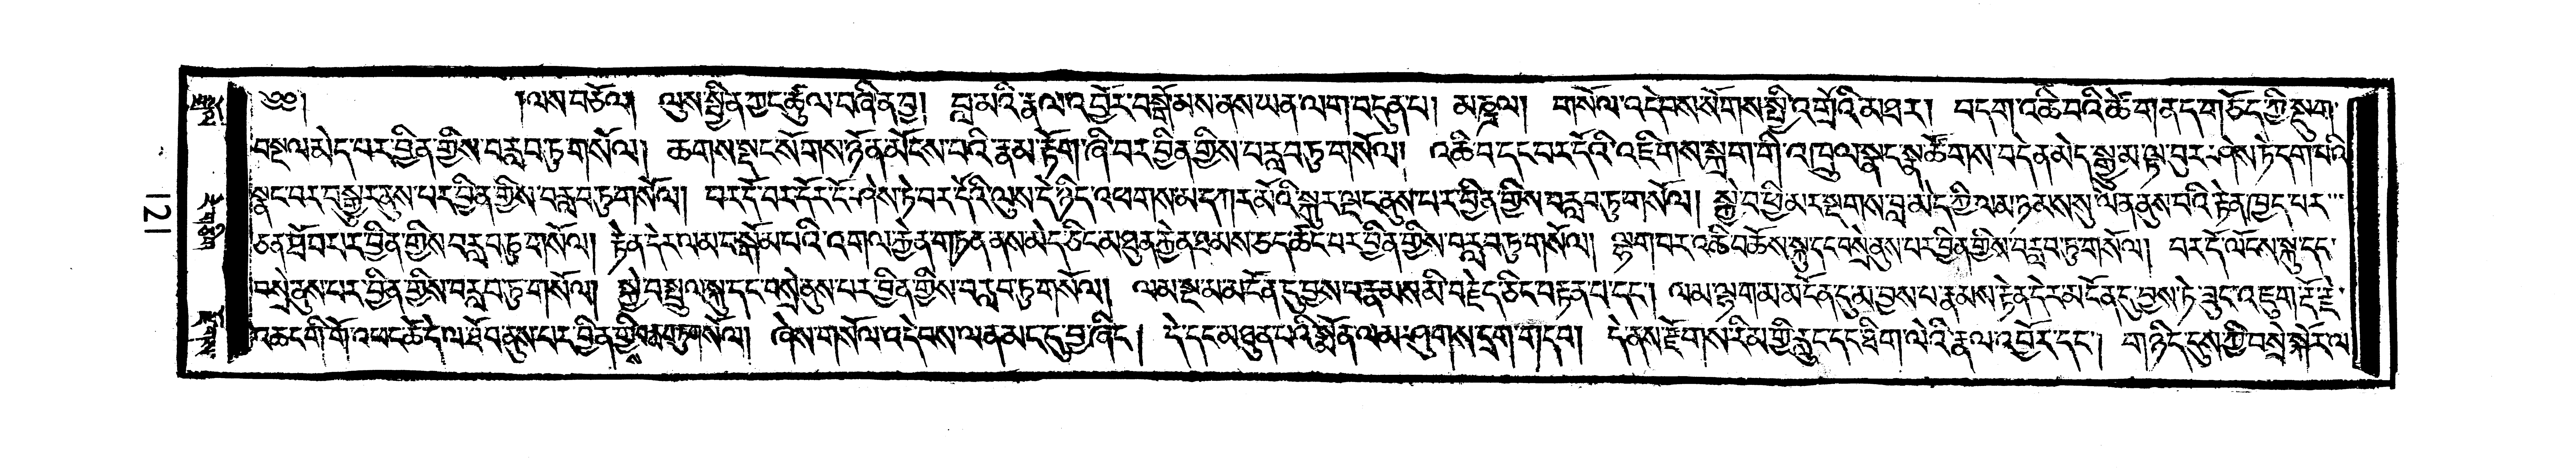༄༅། །ལས་བཅོལ། ལུས་སྦྱིན་ཀྱང་ཚུལ་བཞིན་བྱ། བླ་མའི་རྣལ་འབྱོར་བསྒོམས་ནས་ཡན་ལག་བདུན་པ། མཎྜལ། གསོལ་འདེབས་སོགས་སྤྱི་འགྲེའི་མཐར། བདག་འཆི་བའི་ཚེ་གནད་གཅོད་ཀྱི་སྡུག་
བསྔལ་མེད་པར་བྱིན་གྱིས་བརླབ་ཏུ་གསོལ། ཆགས་སྡང་སོགས་ཉོན་མོངས་པའི་རྣམ་རྟོག་ཞི་བར་བྱིན་གྱིས་བརླབ་ཏུ་གསོལ། འཆི་བ་དང་བར་དོའི་འཇིགས་སྐྲག་གི་འཁྲུལ་སྣང་སྣ་ཚོགས་བདེན་མེད་སྒྱུ་མ་ལྟ་བུར་ཤེས་ཏེ་དག་པའི་
སྣང་བར་བསྒྱུར་ནུས་པར་བྱིན་གྱིས་བརླབ་ཏུ་གསོལ། བར་དོ་བར་དོར་ངོ་ཤེས་ཏེ་བར་དེའི་ལུས་དེ་ཉིད་འཕགས་མ་དཀར་མོའི་སྐུར་ལྡང་ནུས་པར་བྱིན་གྱིས་བརླབ་ཏུ་གསོལ། སྐྱེ་བ་ཕྱི་མར་སྔགས་བླ་མེད་ཀྱི་ལམ་ཉམས་སུ་ལེན་ནུས་པའི་རྟེན་ཁྱད་པར་
ཅན་ཐོབ་པར་བྱིན་གྱིས་བརླབ་ཏུ་གསོལ། རྟེན་དེར་ལམ་བསྒོམ་པའི་འགལ་རྐྱེན་གཏན་ནས་མེད་ཅིང་མཐུན་རྐྱེན་ཐམས་ཅད་ཚང་བར་བྱིན་གྱིས་བརླབ་ཏུ་གསོལ། ལྷག་པར་འཆི་བ་ཆོས་སྐུ་དང་བསྲེ་ནུས་པར་བྱིན་གྱིས་བརླབ་ཏུ་གསོལ། བར་དོ་ལོངས་སྐུ་དང་
བསྲེ་ནུས་པར་བྱིན་གྱིས་བརླབ་ཏུ་གསོལ། སྐྱེ་བ་སྤྲུལ་སྐུ་དང་བསྲེ་ནུས་པར་བྱིན་གྱིས་བརླབ་ཏུ་གསོལ། ལམ་སྔ་མ་མངོན་དུ་བྱས་པ་རྣམས་མི་བརྗེད་ཅིང་བརྟན་པ་དང་། ལམ་ལྷག་མ་མངོན་དུ་མ་བྱས་པ་རྣམས་རྟེན་དེར་མངོན་དུ་བྱས་ཏེ་ཟུང་འཇུག་རྡོ་རྗེ་
འཆང་གི་གོ་འཕང་ཚེ་དེ་ལ་ཐོབ་ནུས་པར་བྱིན་གྱིས་བརླབ་ཏུ་གསོལ། ཞེས་གསོལ་འདེབས་ལན་མང་དུ་བྱ་ཞིང་། དེ་དང་མཐུན་པའི་སྨོན་ལམ་ཤུགས་དྲག་གདབ། དེ་ནས་རྫོགས་རིམ་གྱི་རླུང་དང་ཐིག་ལེའི་རྣལ་འབྱོར་དང་། གཉིད་དུས་ཀྱི་བསྲེ་སྐོར་ལ།